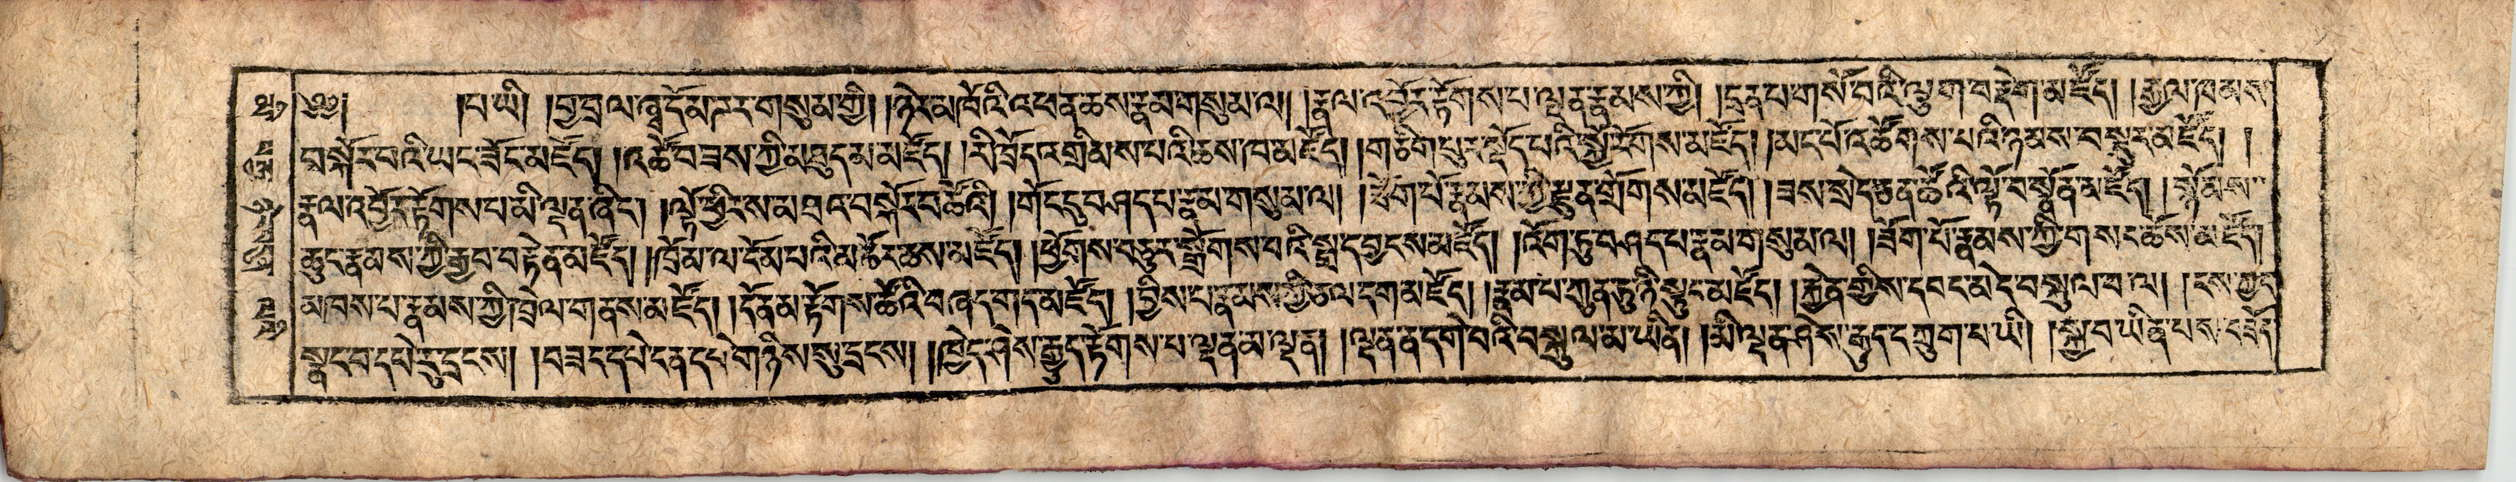པ་ཡི། །བྱ་བྲལ་ཞྭ་དོམ་ཌར་གསུམ་གྱི། །ཉེར་མཁོའི་འཕན་ཆས་རྣམ་གསུམ་ལ། །རྣལ་འབྱོར་རྟོགས་པ་ལྡན་རྣམས་ཀྱི། །དྲན་པ་གསོ་བའི་ལྕག་བརྡེག་མཛད། །རྒྱལ་ཁམས་
བསྐོར་བའི་ཡང་ཟོང་མཛོད། །འཚོ་བ་ཟས་ཀྱི་མཐུད་མ་མཛོད། །རི་ཁྲོད་འགྲིམས་པའི་ཆས་ཁ་མཛོད། །གཅིག་པུ་སྡོད་པའི་སྐྱོ་རོགས་མཛོད། །མང་པོ་འཚོགས་པའི་ཉམས་བསྡུར་མཛོད། །
རྣལ་འབྱོར་རྟོགས་པ་མི་ལྡན་ཞིང། །ལྟོ་ཕྱིར་ས་མཐའ་བསྐོར་བ་ཚོའི། །གོང་དུ་བཤད་པ་རྣམ་གསུམ་ལ། །ཟོག་པོ་རྣམས་ཀྱི་རྫུན་གྲོགས་མཛོད། །ཟས་སྲེད་ཅན་ཚོའི་ལྟོ་བསྣོན་མཛོད། །སྙོམས་
ཆུང་རྣམས་ཀྱི་རྒྱབ་བརྟེན་མཛོད། །ཁྲོམ་ལ་ངོམ་པའི་མཚོར་ཆས་མཛོད། །ཕྱོགས་བཅུར་སྒྲོགས་པའི་སྒྲ་དབྱངས་མཛོད། །འོག་ཏུ་བཤདཔ་རྣམས་གསུམ་ལ། །ཟོག་པོ་རྣམས་ཀྱི་གསང་ཆོས་མཛོད། །
མཁས་པ་རྣམས་ཀྱི་ཁྲེལ་གནས་མཛོད། །དོན་མ་རྟོགས་ཚོའི་བཞད་གད་མཛོད། །བྱིས་པ་ཅལ་དག་མཛོད། །རྣམ་པ་ཀུན་ཏུ་ཉི་སྟུང་མཛོད། །རྐྱེན་གྱིས་དབང་མེད་བསྐུལ་བ་ལ། །ངས་ཀྱང་
སྣང་བ་དཔེ་རུ་དྲངས། །བཟང་དཔེ་ངན་དཔེ་གཉིས་སུ་དྲངས། །ཁྱེད་ཤེས་རྒྱུད་རྟོགས་པ་ལྡན་མ་ལྡན། །ལྡན་ན་དགེ་བའི་བསྐུལ་མ་ཡིན། །མི་ལྡན་ཤེས་རྒྱུད་དཀྲུག་པ་ཡི། །སྐྱ་བ་ཡིན་པས་བཟོད་